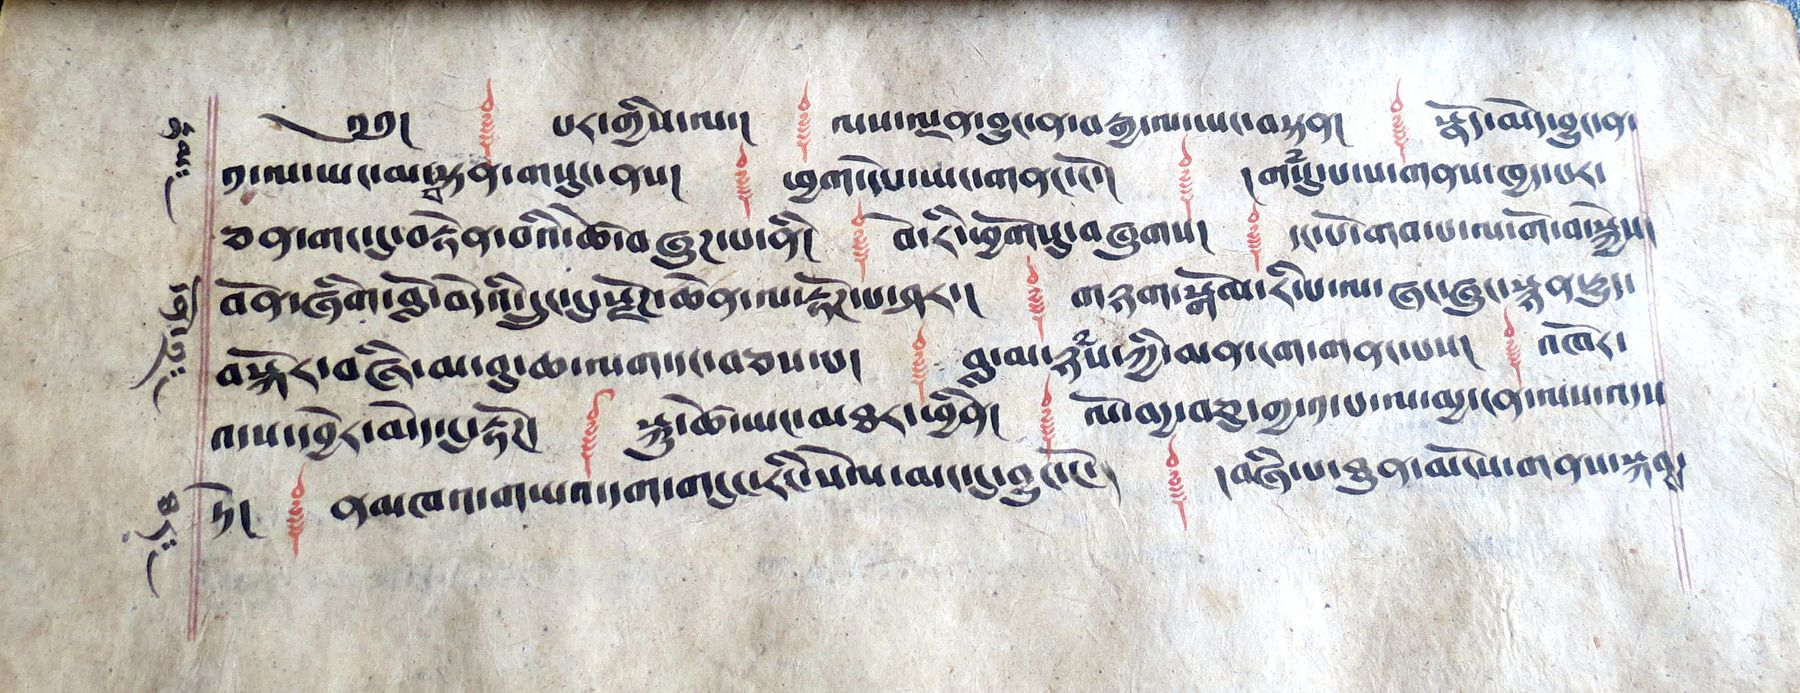པར་གྱིས་ལ། ལས་ལྡན་བྱུང་ན་བརྒྱ་ལ་ཡང་བསྟན། སྣོད་མེད་བྱུང་ན་
གཅིག་ལ་ཡང་མ་སྟོན་གསུངས་ནས། ཕྱག་དཔེ་ཡང་གནང་ངོ་། ། གསུམ་པ་ས་གནས་ཁྱད་པར་
ཅན་གང་དུ་བརྟེན་པའི་ཚེ་དུ་བཞུགས་པ་ནི། བི་རི་ཕྱོགས་སུ་བཞུགས། དང་པོ་གབ་པ་ལ་གོ་བ་སྐྱེས་
ནས། བོན་ཞིག་བློ་བདེའི་དྲུང་དུ་རྫོགས་ཆེན་ལ་རྟོགས་པ་ཤར། གཉག་སྒོམ་རི་པ་ལ་ཞང་ཞུང་སྙན་རྒྱུད་
སྐོར་བཞི་མ་བུ་ཆ་ལག་དང་བཅས་པ་ཞུས། བླ་མས་ཉམས་ཀྱི་མན་ངག་གནང་བས། འཁོར་
འདས་དབྱེར་མེད་དུ་རྟོགས། སྐུ་ཚེ་ཡང་མཐར་ཕྱིན་ལོ་བརྒྱད་ཅུ་གྱ་གཅིག་པ་ལ་མྱ་ངན་ལས་འདས་
ཏེ། ནམ་མཁའ་གཡའ་དག་གདུང་རིང་བསྲེལ་མང་དུ་བྱུང་ངོ། ། བཞི་པ་ཐུན་མོང་དང་གནས་སྐབས་